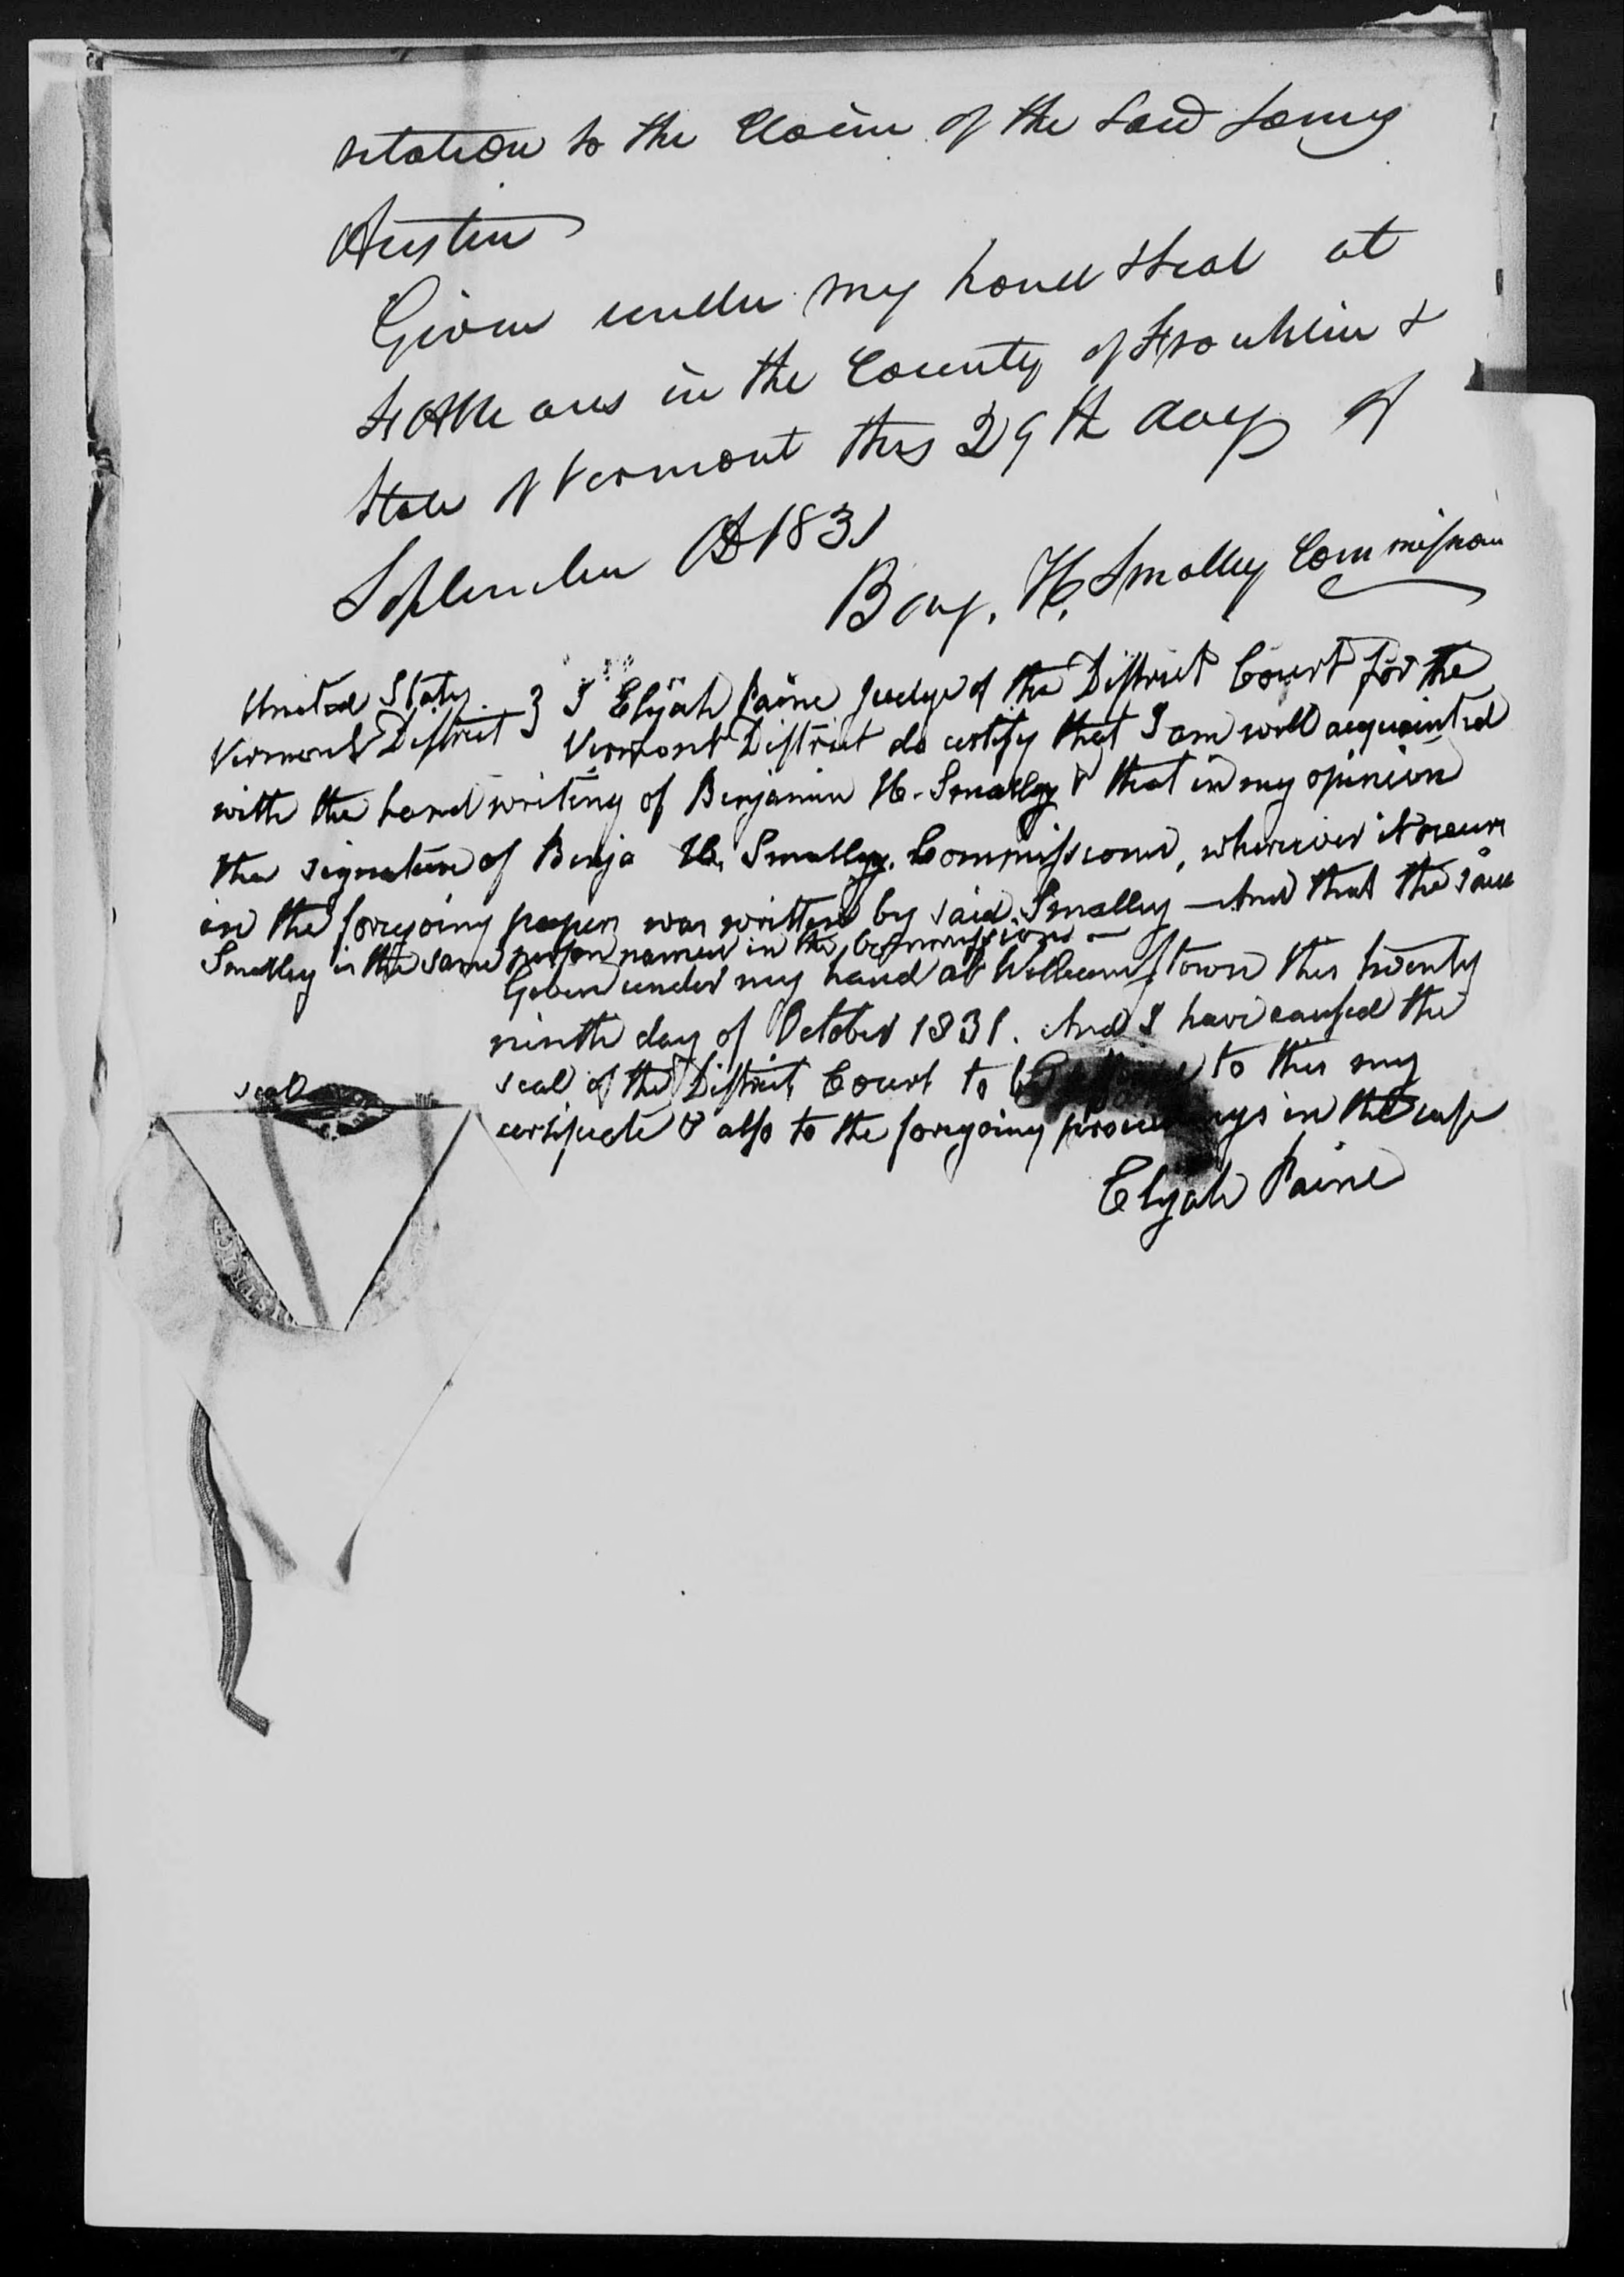sitation to the claim of the said James Austin 
given under my hand & that at St Albans in the County of Franklin & State of Vermont this 29th day of September AD 1831
Benj. H. Smalley Commissioner

United States     } I Elijah Paine, Judge of
Vermont District } the District court for the Vermont District do certify that I am well acquainted with the handwriting of Benjamin H. Smalley & that in my opinion the signature of Benja H. Smalley, Commissioner, wherever it [illegible] in the foregoing paper was written by said Smalley and that the said Smalley is the same person named in the commissions --
Given under my hand at Williamstown this twenty ninth day of October 1931. And I have caused the seal of the District Court to be [smudged] to this my certificate & also to the foregoing proceedings in the case
Elijah Paine [signature]
seal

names: Benj H Smalley, Smalley, Smalley, Elijah Paine, Benjamin H Smalley, James Austin, Elijah Paine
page: 68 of 100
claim: survivor's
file: S 19186, James Austin, Conn. New York R.I.